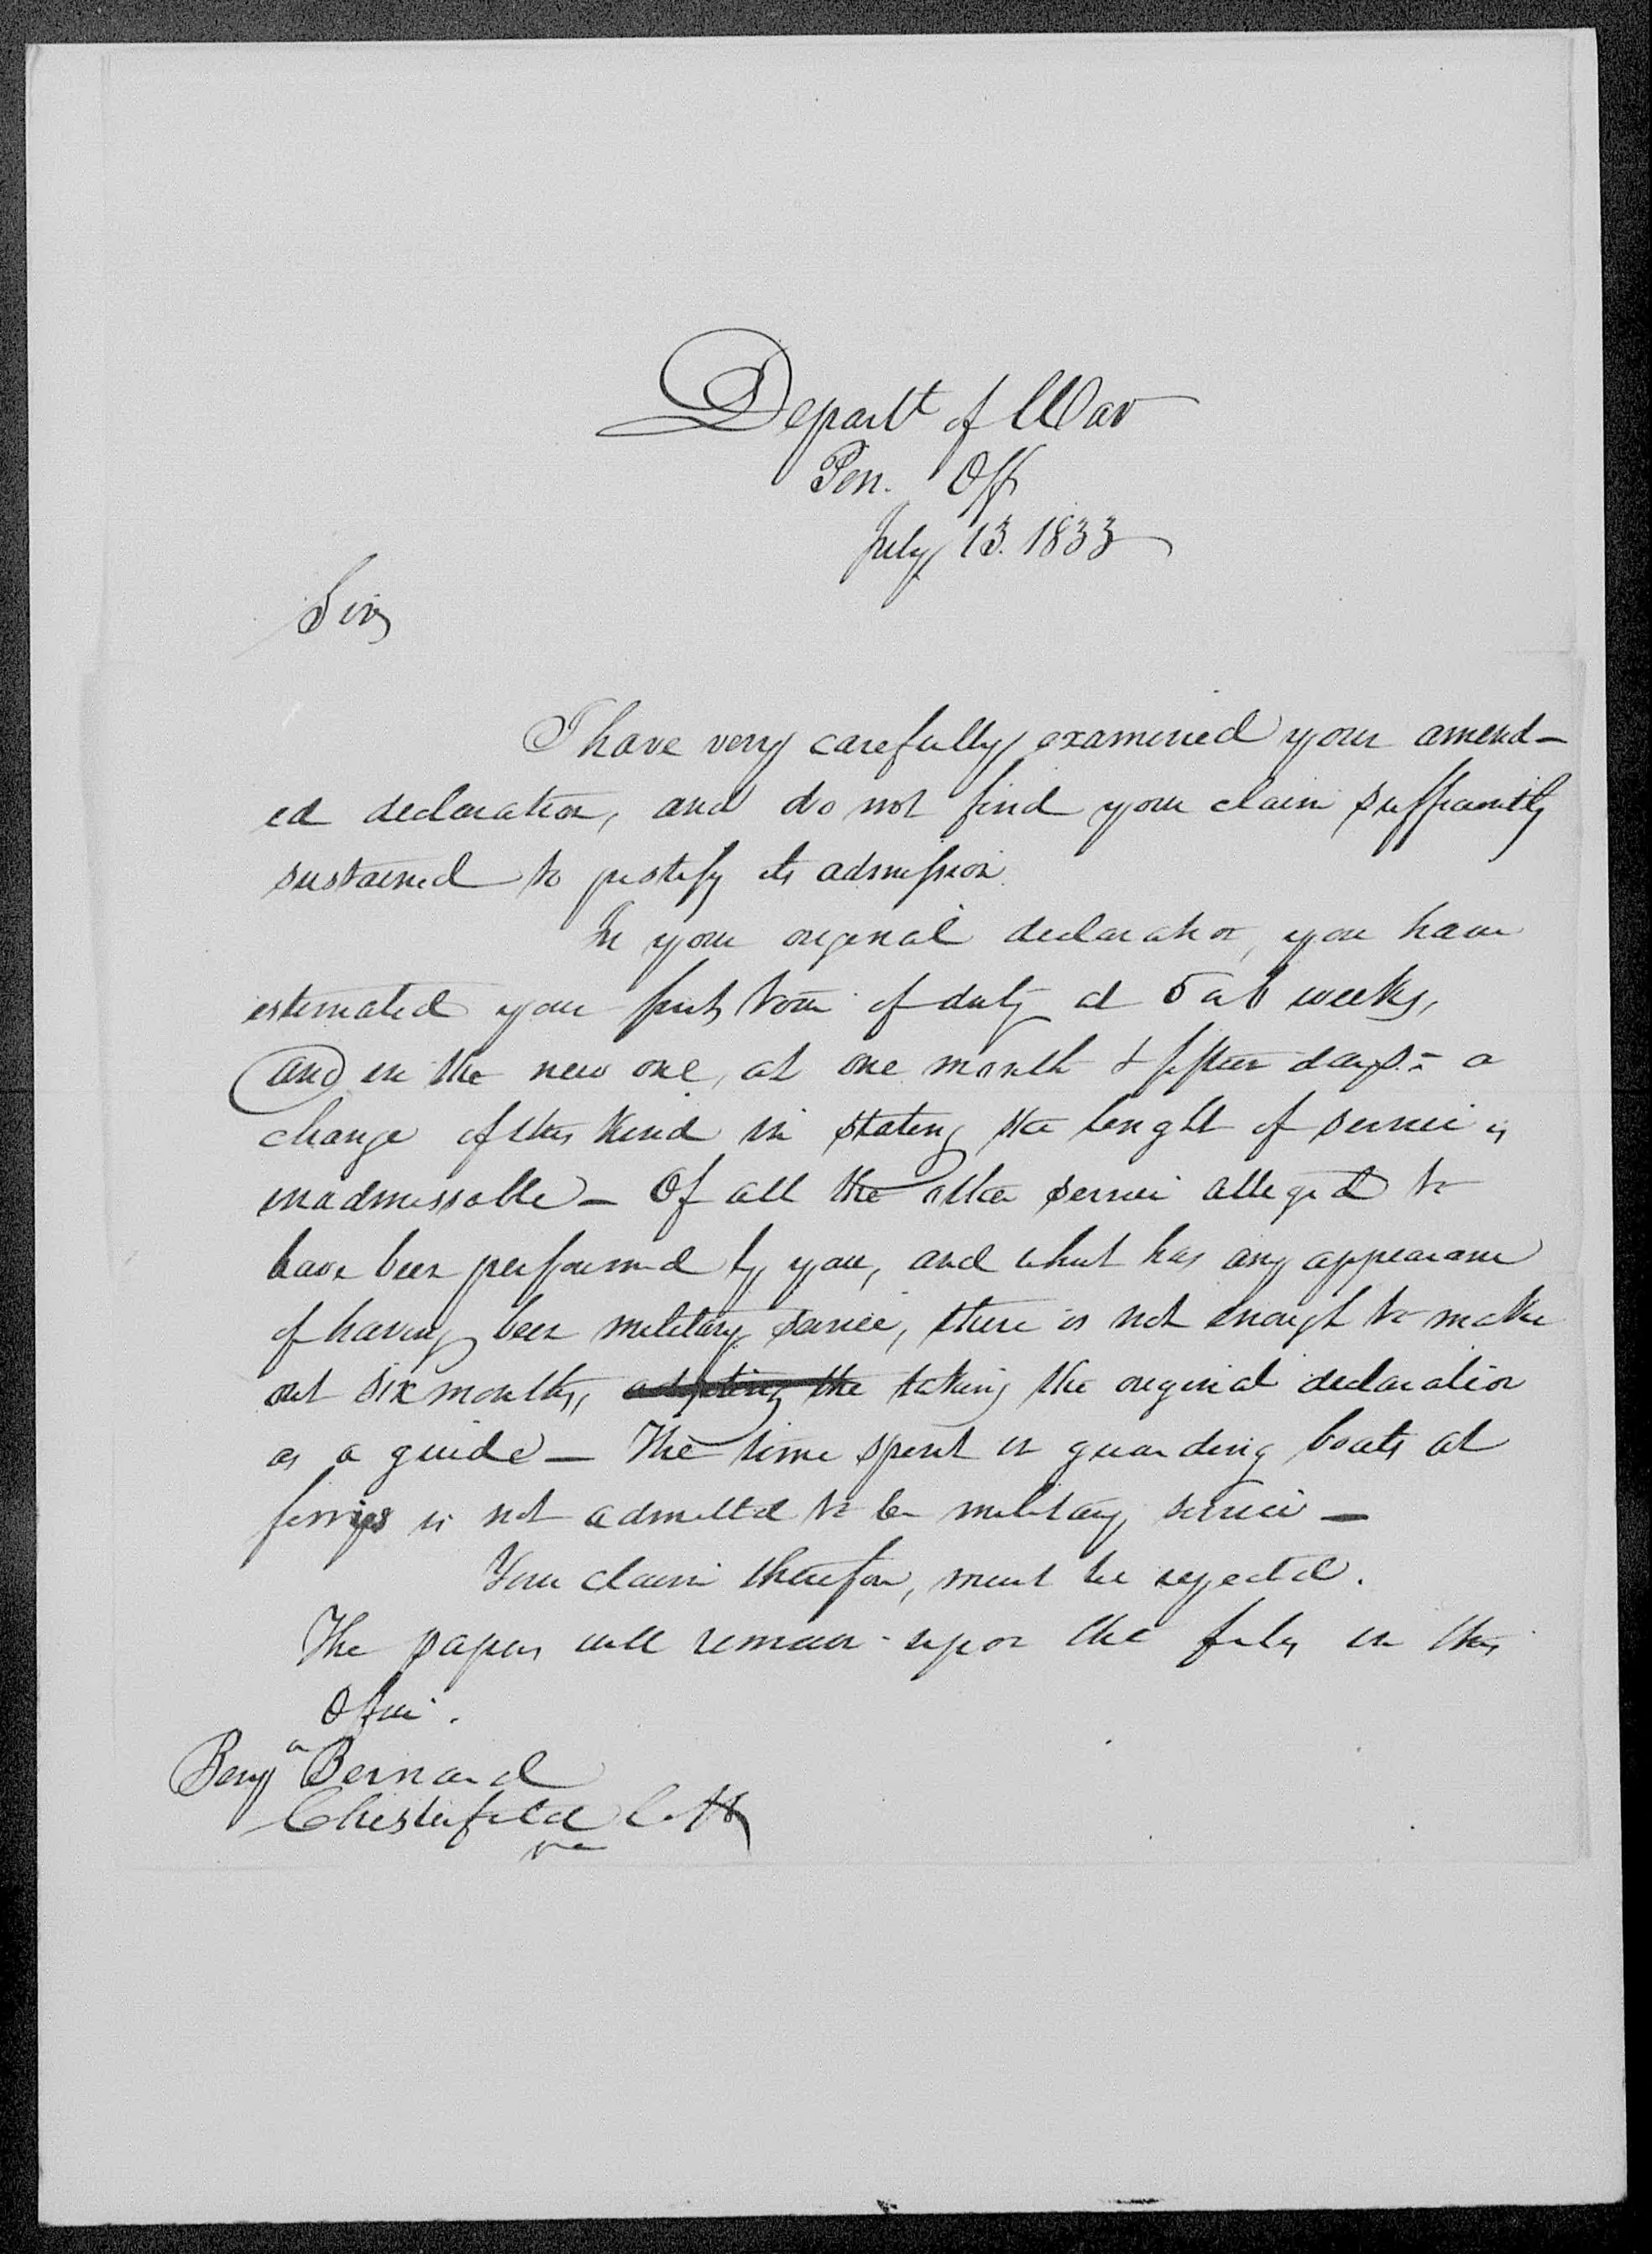Department of War
                   Pension Office
                    July 13, 1833

Sir
     I have carefully examined your amended declaration and do not find your claim sufficiently sustained to justify its admission.
     In your original declaration you have estimated your full tour of duty at 5 or 6 weeks and in the new one at one month and fifteen days - a change of this kind in stating the length of service is inadmissable - of all the other service alleged to have been performed by you, and what has any appearance of having been military service, there is not enough to make it six months, taking the original declaration as a guide, the time spent in guarding boats at ferrys is not admitted as military service.
     Your claim therefore, must be rejected.  The paper will remain upon the file in this office.
                   Benja Barnard
                   Chesterfield C.H.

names: Benja Bernard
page: 11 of 18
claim: survivor's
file: S. 9096, Benjamin Barnard, Va.